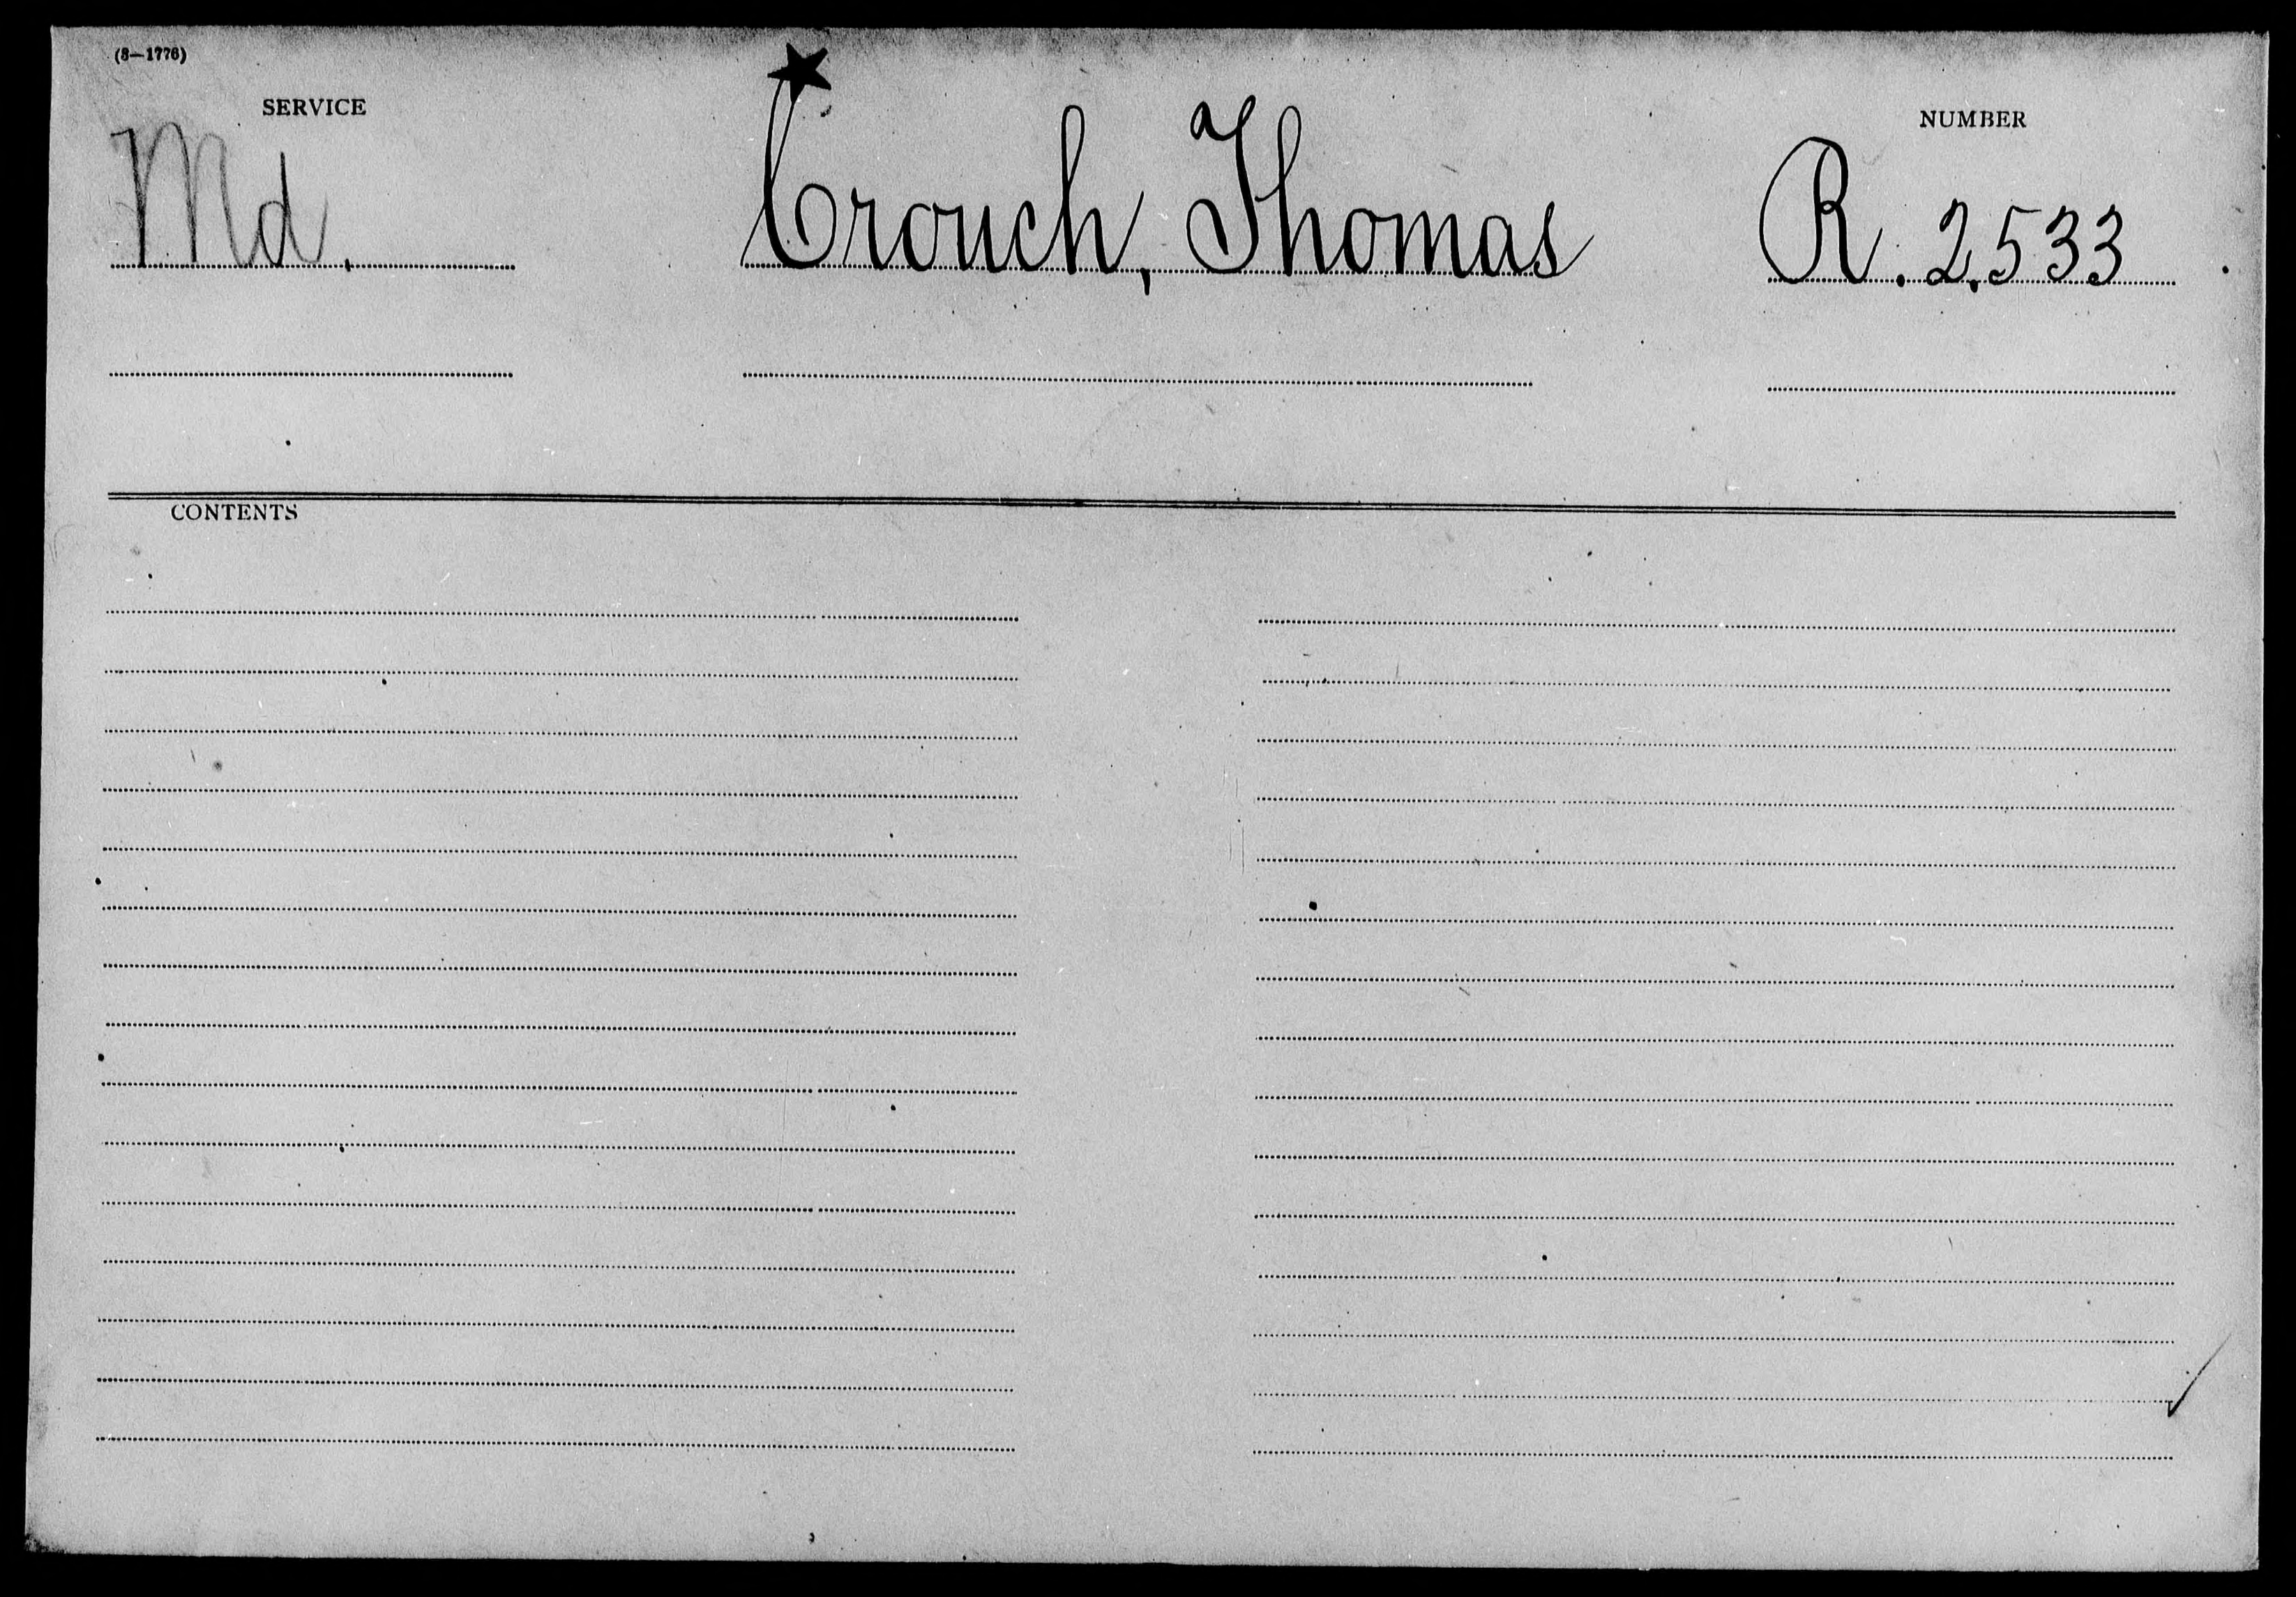SERVICE
Md.

Crouch, Thomas

NUMBER
R. 2.533

CONTENTS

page: 1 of 8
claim: rejected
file: R. 2,533, Thomas Crouch, Md.